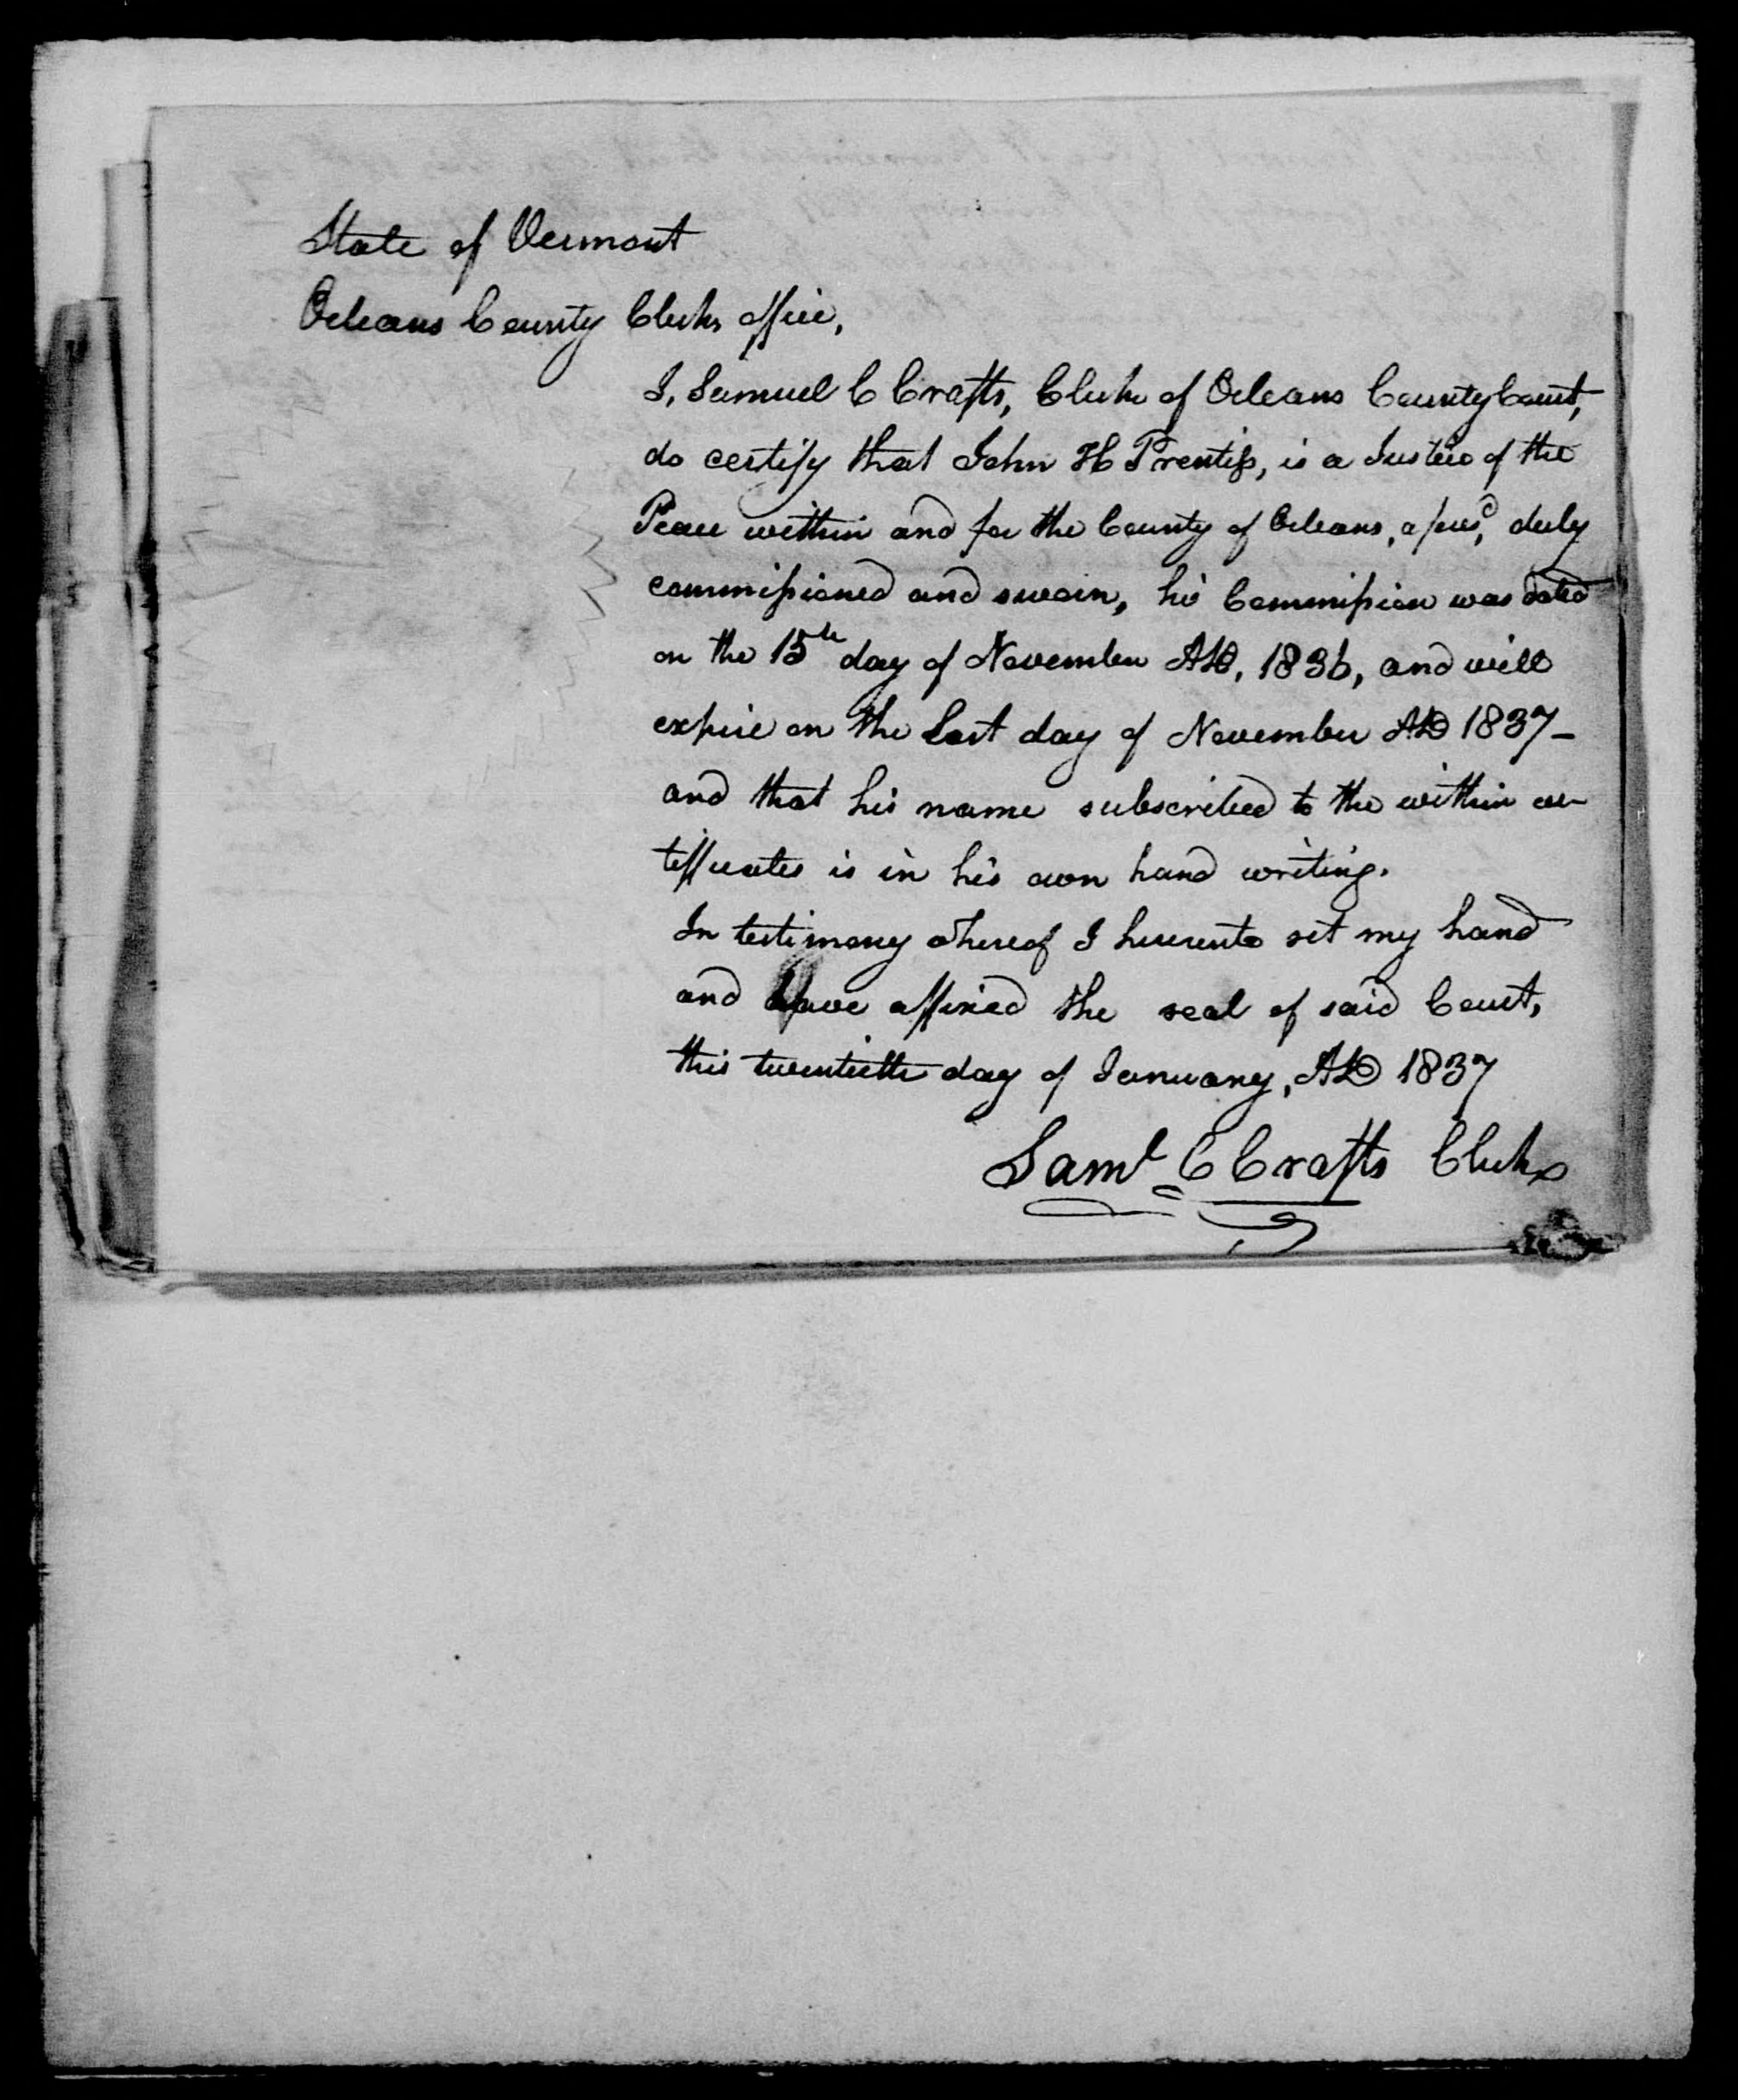State of Vermont
Orleans County Clerks office.

I, Samuel C Crafts, Clerk of Orleans County Court, do certify that John h Prentifs, is a Justice of the Peace within and for the County of Orleans, afores'd, duly commifsioned and sworn, his Commifsion was dated on the 15th day of November A.D. 1836, and will expire on the last day of November AD 1837--and that his name subscribed to the within certifficates is in his own hand writing.

In testimony whereof I hereunto set my hand and have affixed the seal of said Court, this twentieth day of January, AD 1837
Sam'l C Crafts  Clerk

[illegible seal affixed to the left of the above paragraphs]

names: Saml C Crafts, Johnh Prentiss, Samuel C Crafts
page: 24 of 29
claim: widow's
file: W. 24,282, Nathaniel Glines, N.H.